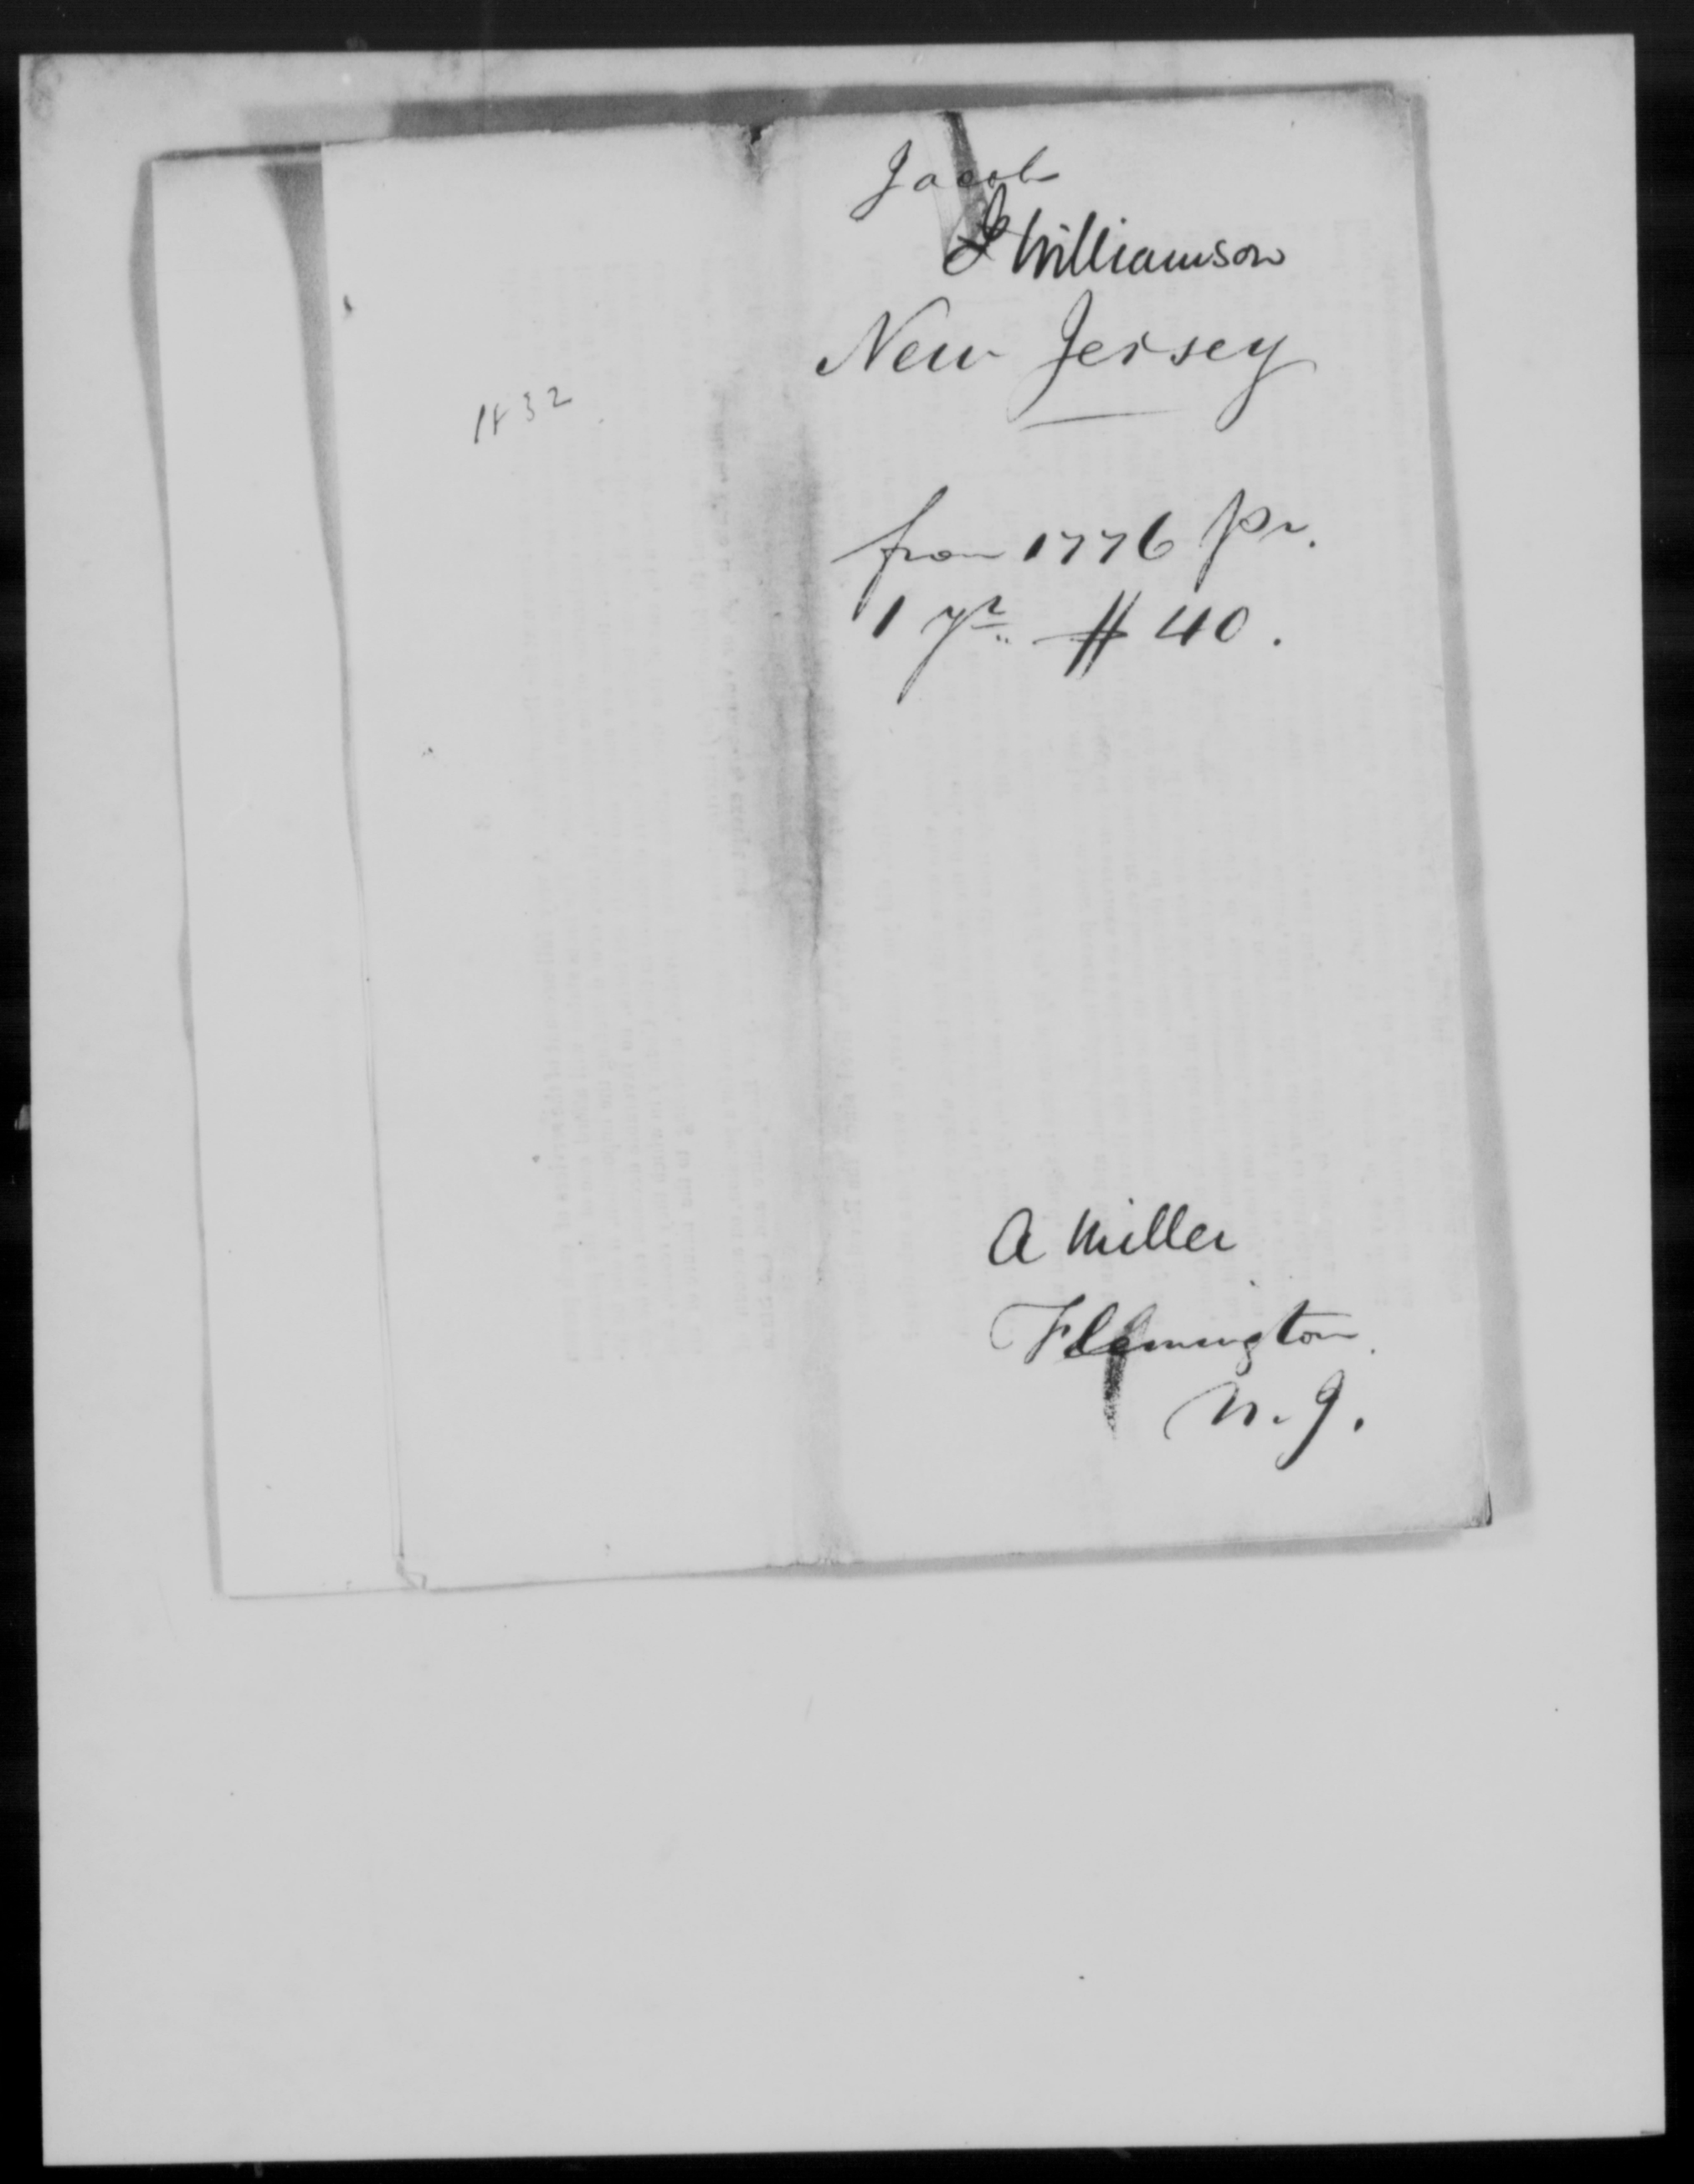[crossed out: J.] Jacob Williamson, New Jersey.

From 1776, Pri(vate) 1 yr., $40

A. Miller
Flemington, N.J.

1832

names: Jacob Williamson, A Miller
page: 46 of 67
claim: widow's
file: W. 2393, Jacob Williamson, New Jersey